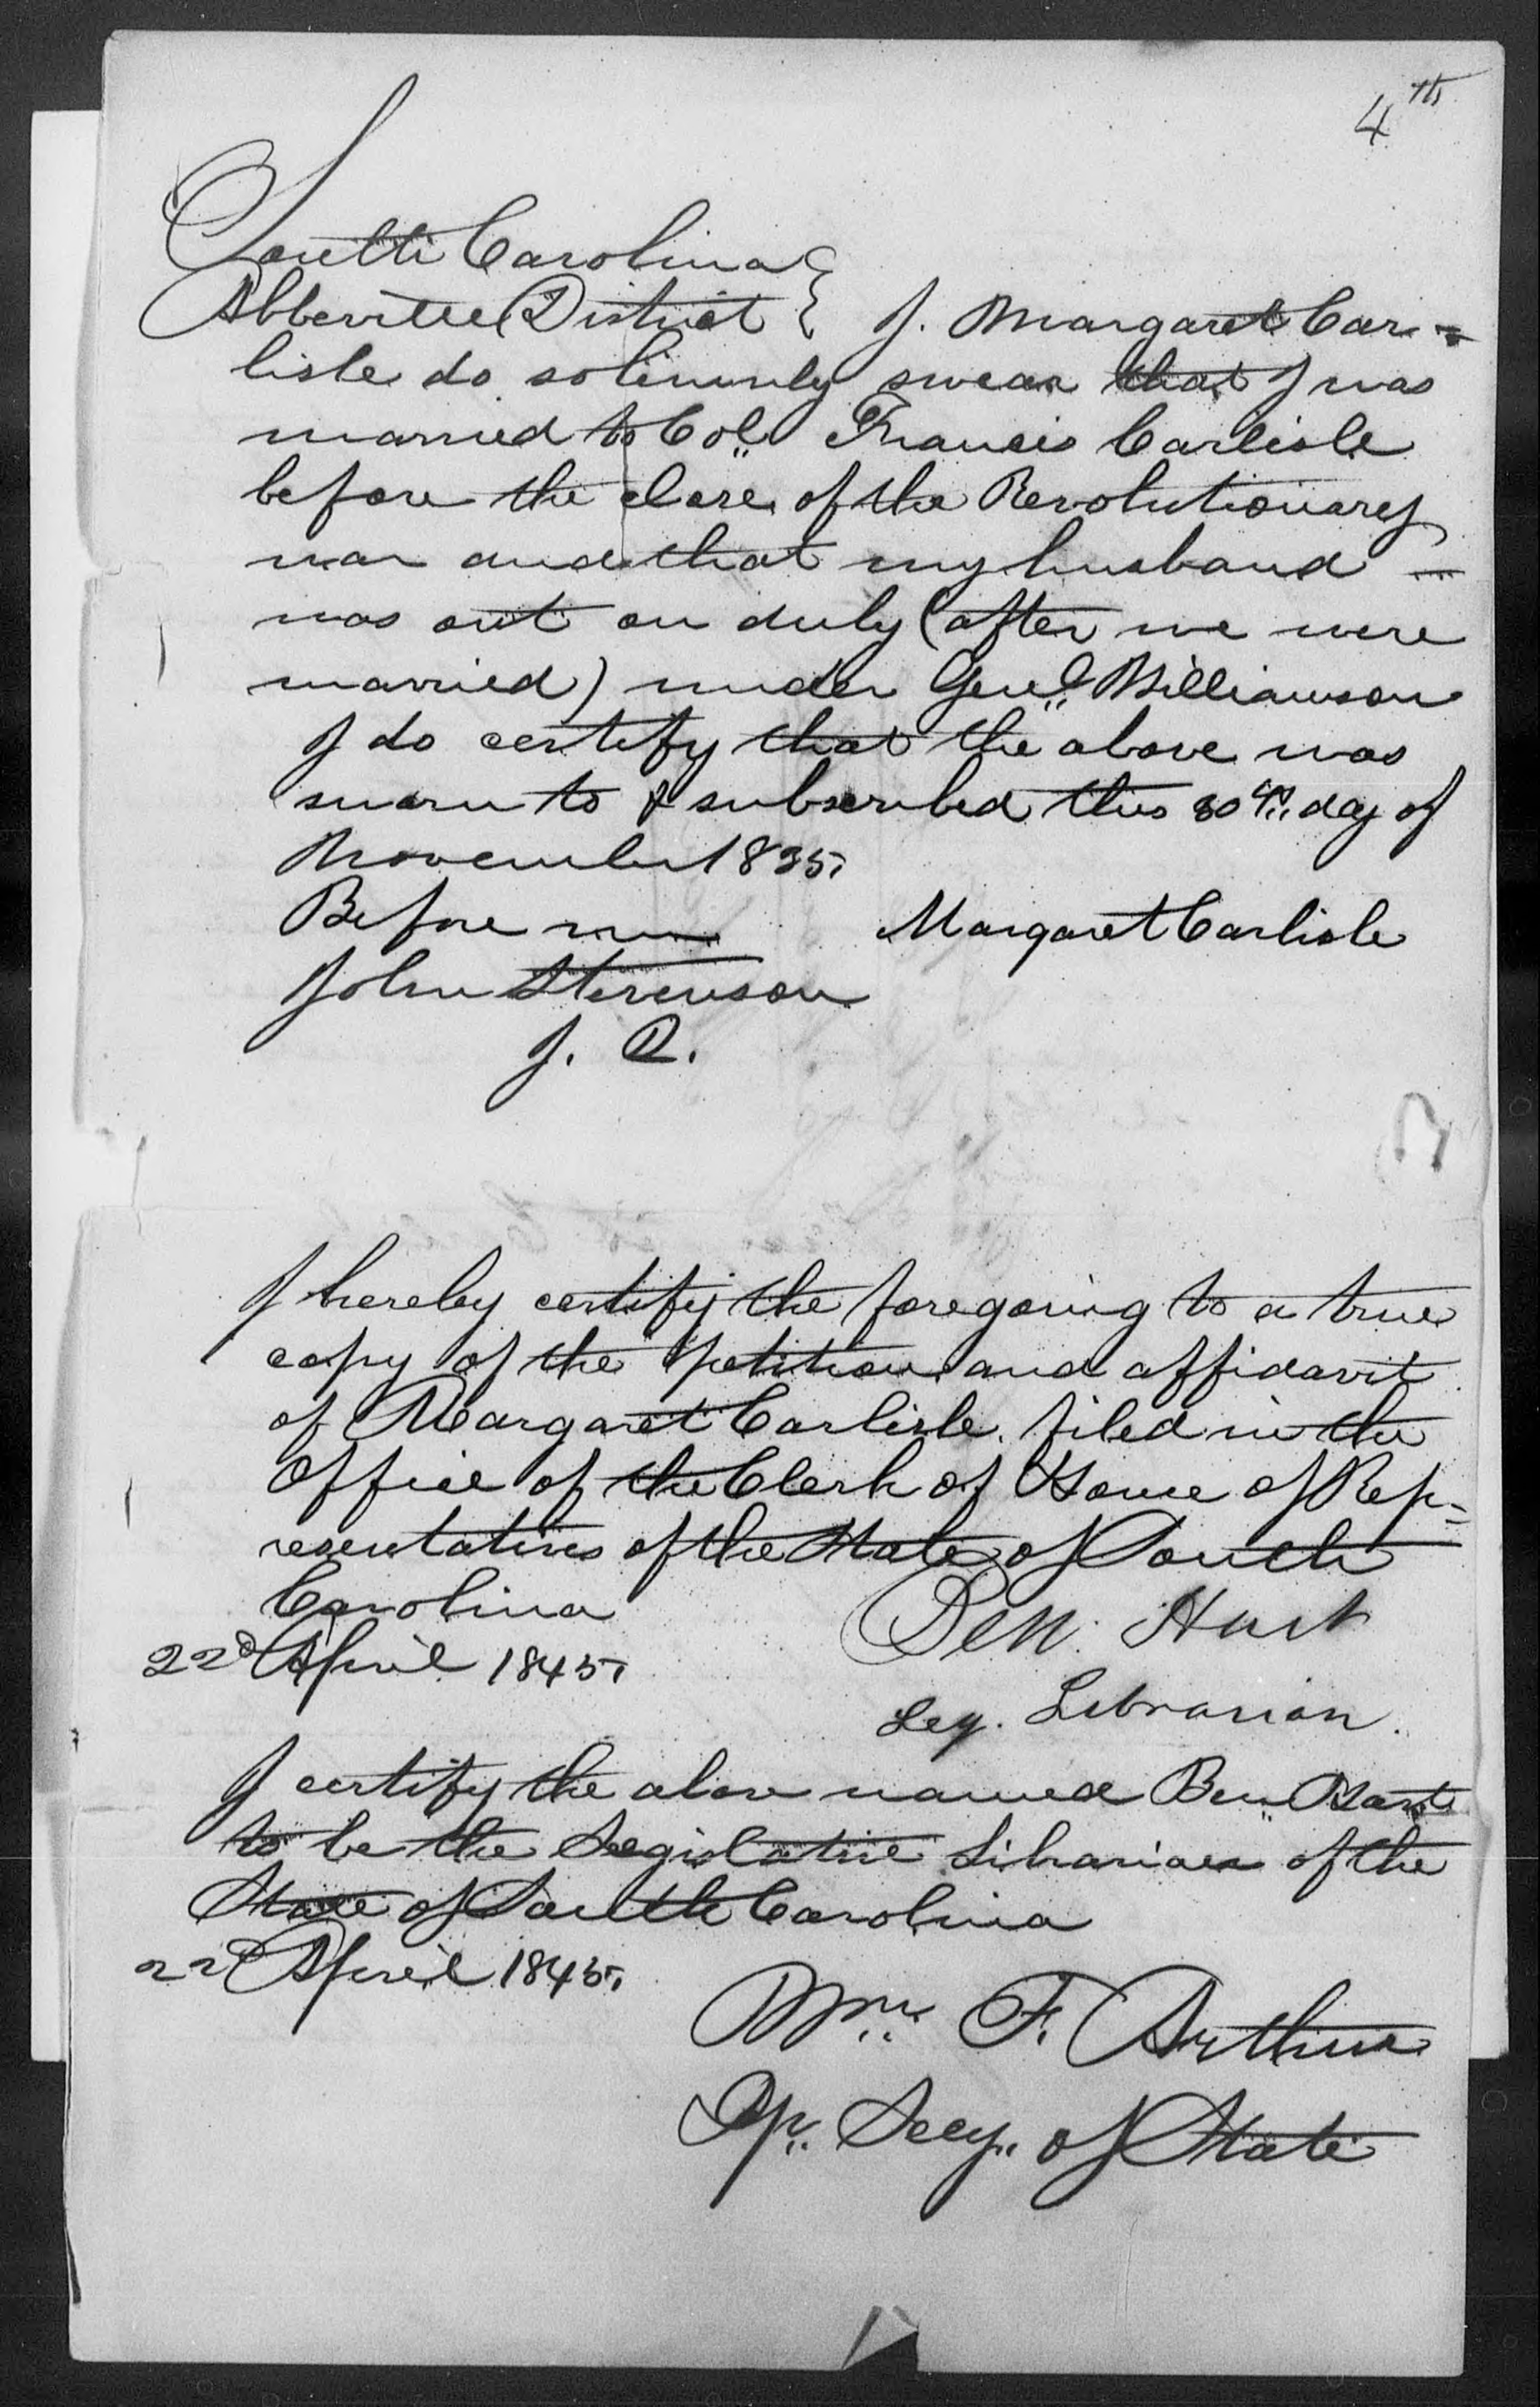South Carolina Abberette District ⎬
I Margaret Carlisle do solemnly swear that I was married to Col Francis Carlisle before the close of the Revolutionary war and that my husband was out on duty (after we were married) under Genl Williamson
I do certify that the above was
sworn to & subscribed this 20th day of November 1835.
Before John Stevenson JP
Margaret Carlisle
I hereby certify the foregoing to a true
copy of the petition and affidavit
of Margaret Carlisle filed in the
Office of the Clerk of House of Representatives of the State of South Carolina 2d April 1845
Ben Hart
Leg. Librarian
I certify the above named Ben Hart
to be the Legislative Librarian of the
State of South Carolina 22 April 1845
Wm. F. Arthur
Dep Secy of State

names: Margaret Carlisle, Wm F Arthur, Ben Hart, John Stevenson, Margaret Carlisle, Williamson, Margaret Carlisle, Francis Carlisle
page: 54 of 91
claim: widow's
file: W. 10576, Francis Carlisle, S.C.